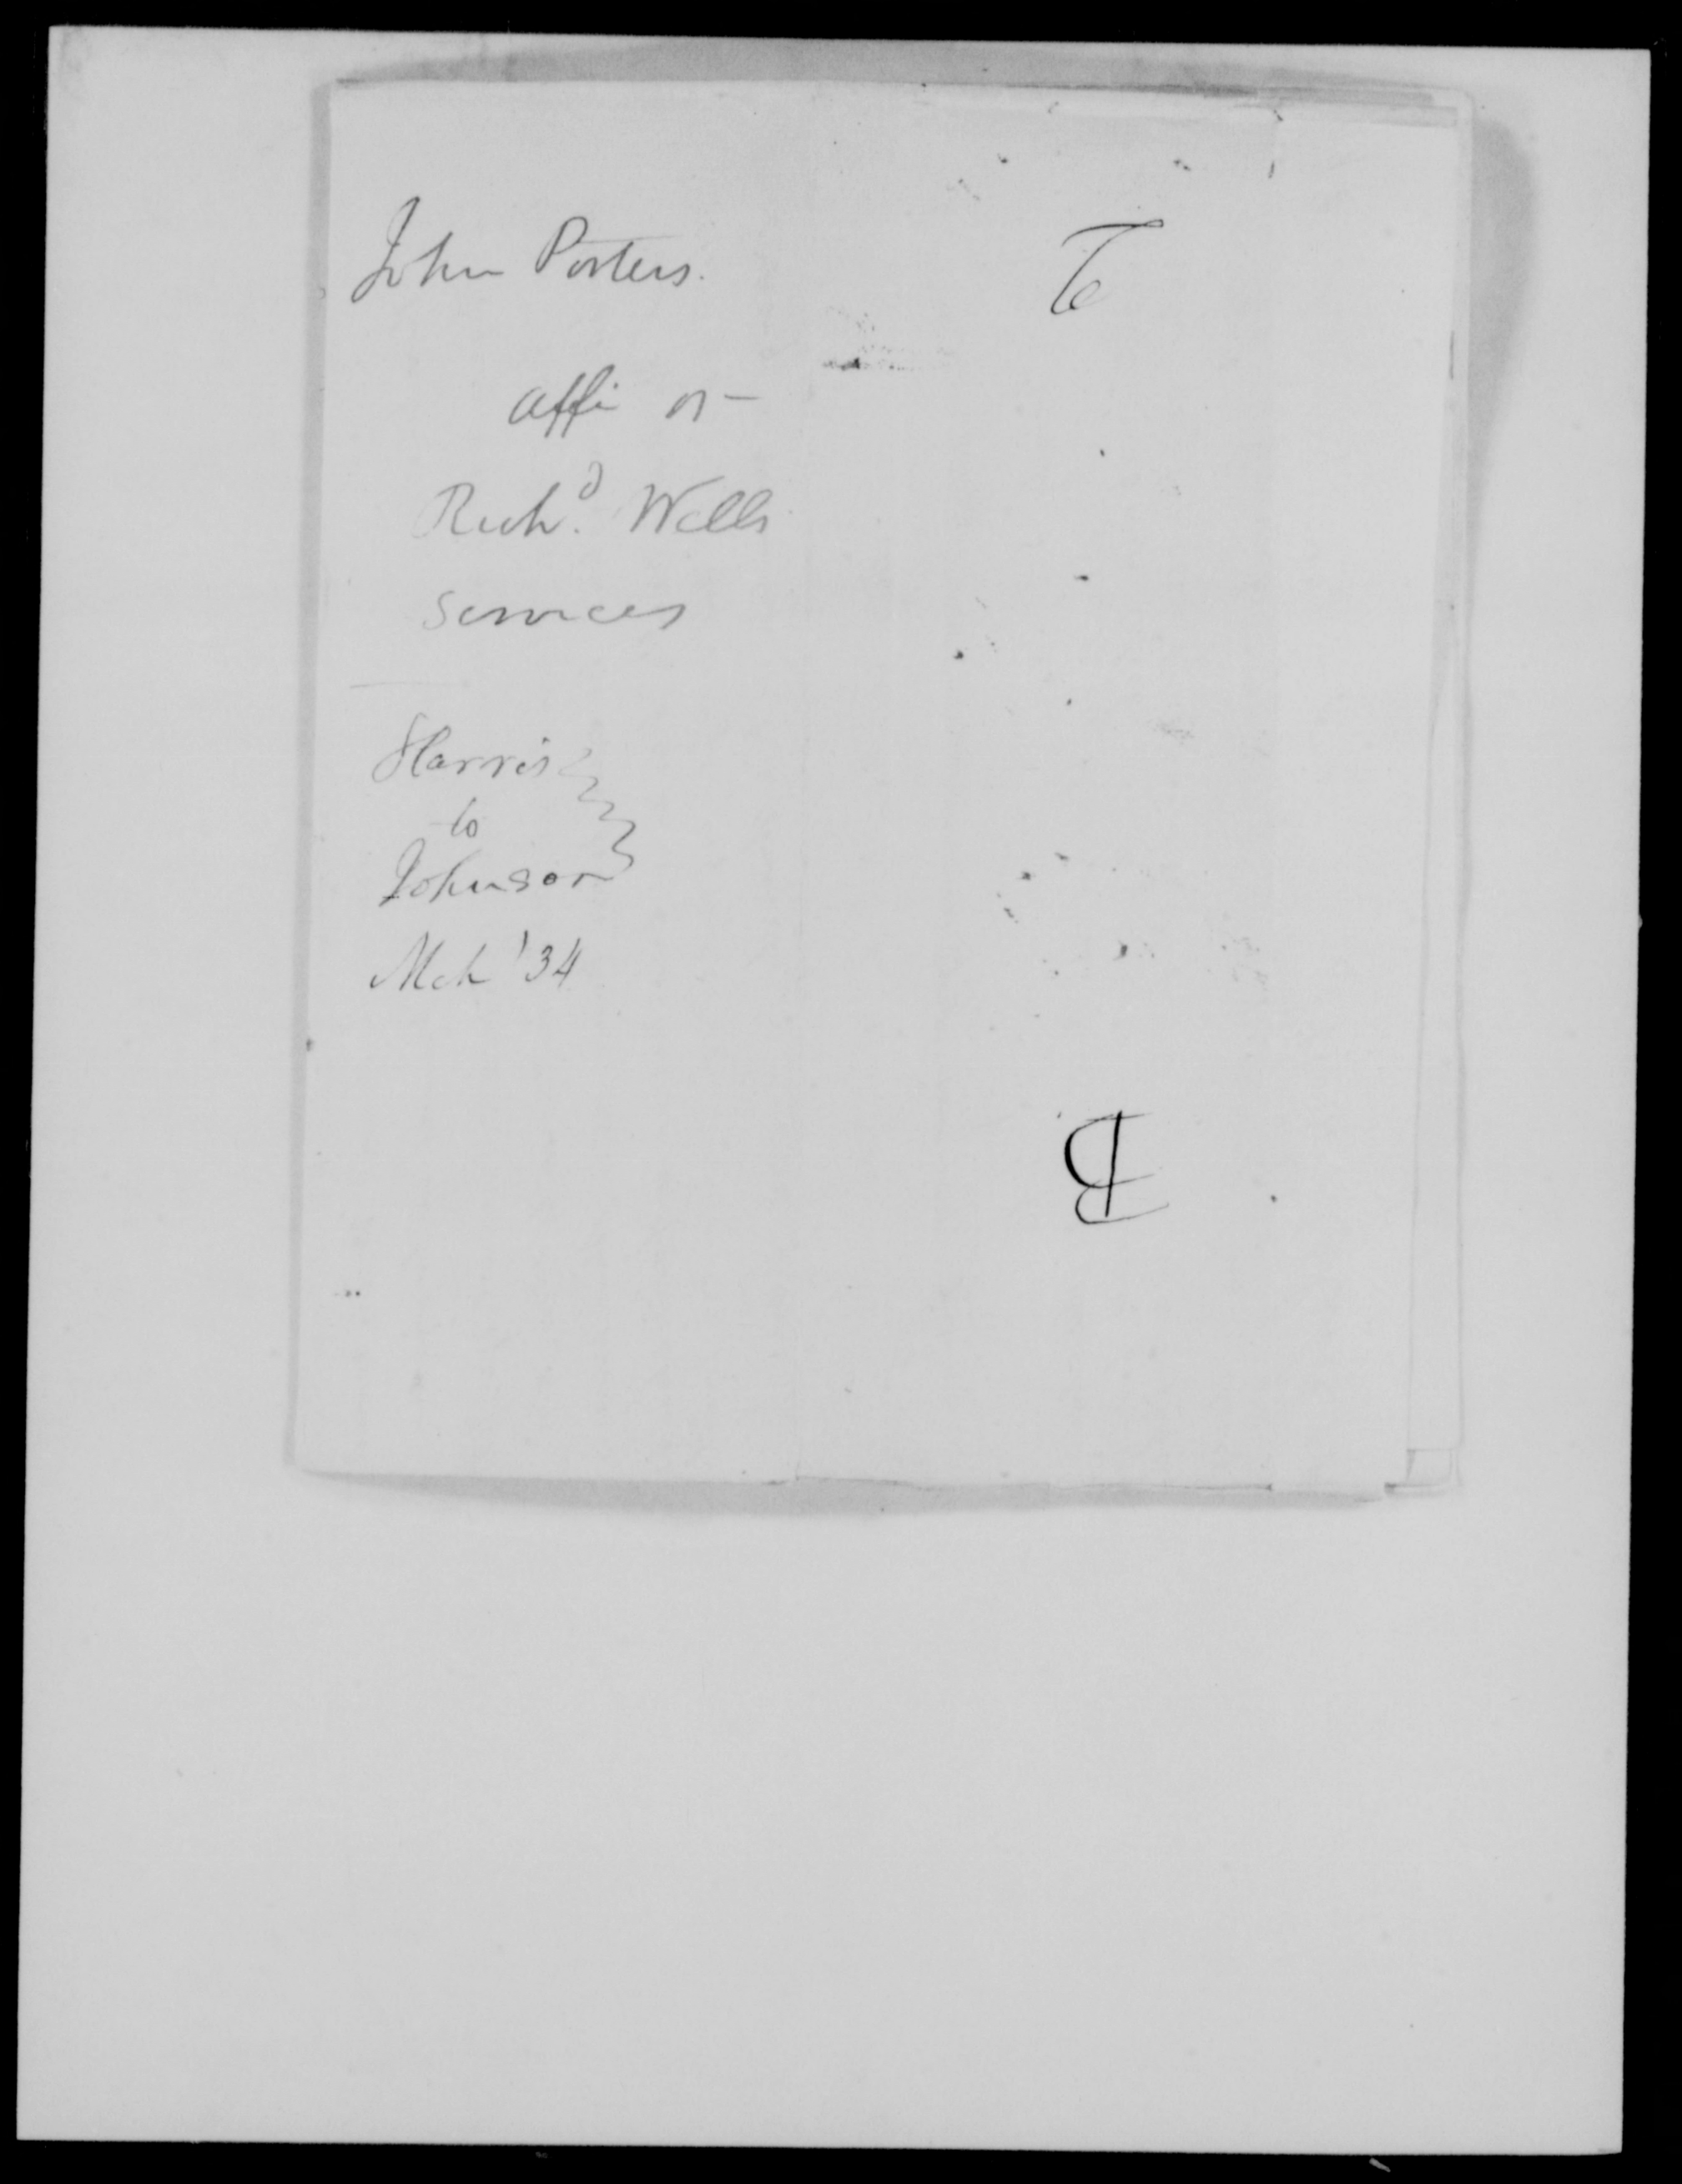John Porters
affi n-
Richd Wells
Services
Harris
to
Johnson
Mch '34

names: Richd Wells, John Porter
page: 8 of 100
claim: widow's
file: W. 6437, Richard Wells, Ga Va.